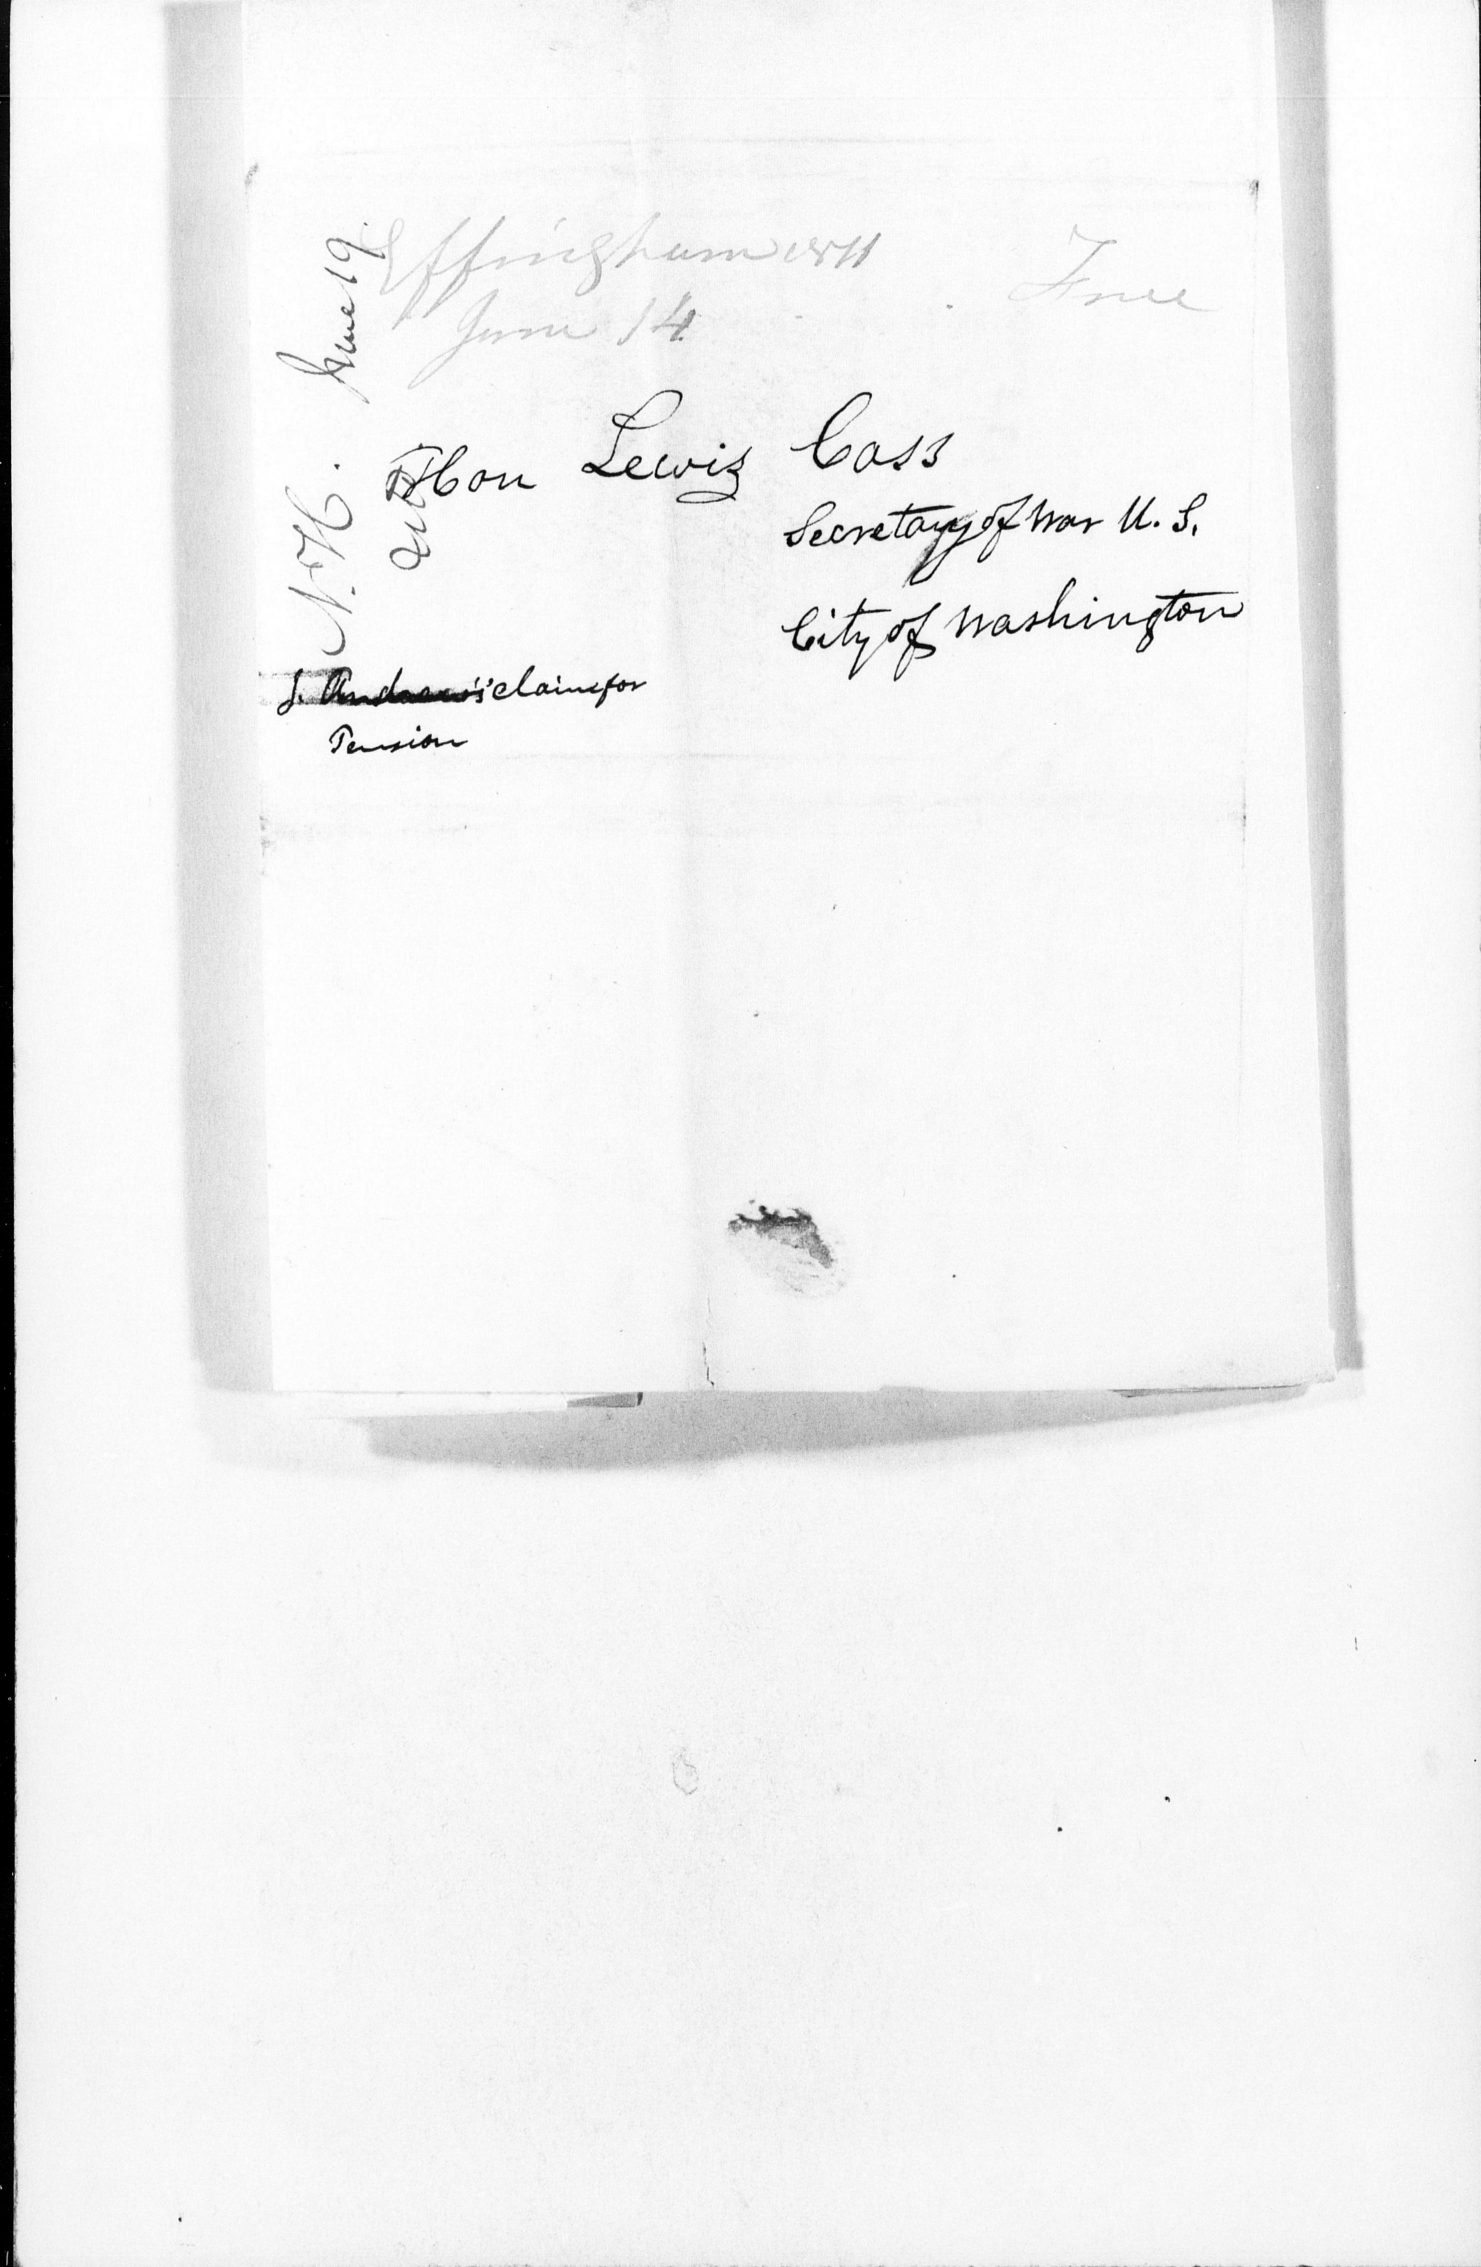NH Aug 19 

Effingham 1871
June 14

Hon Lewis Cass

Claim for Pension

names: Lewis Cass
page: 20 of 23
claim: widow's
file: W. 1693, John Andrews, Mass.